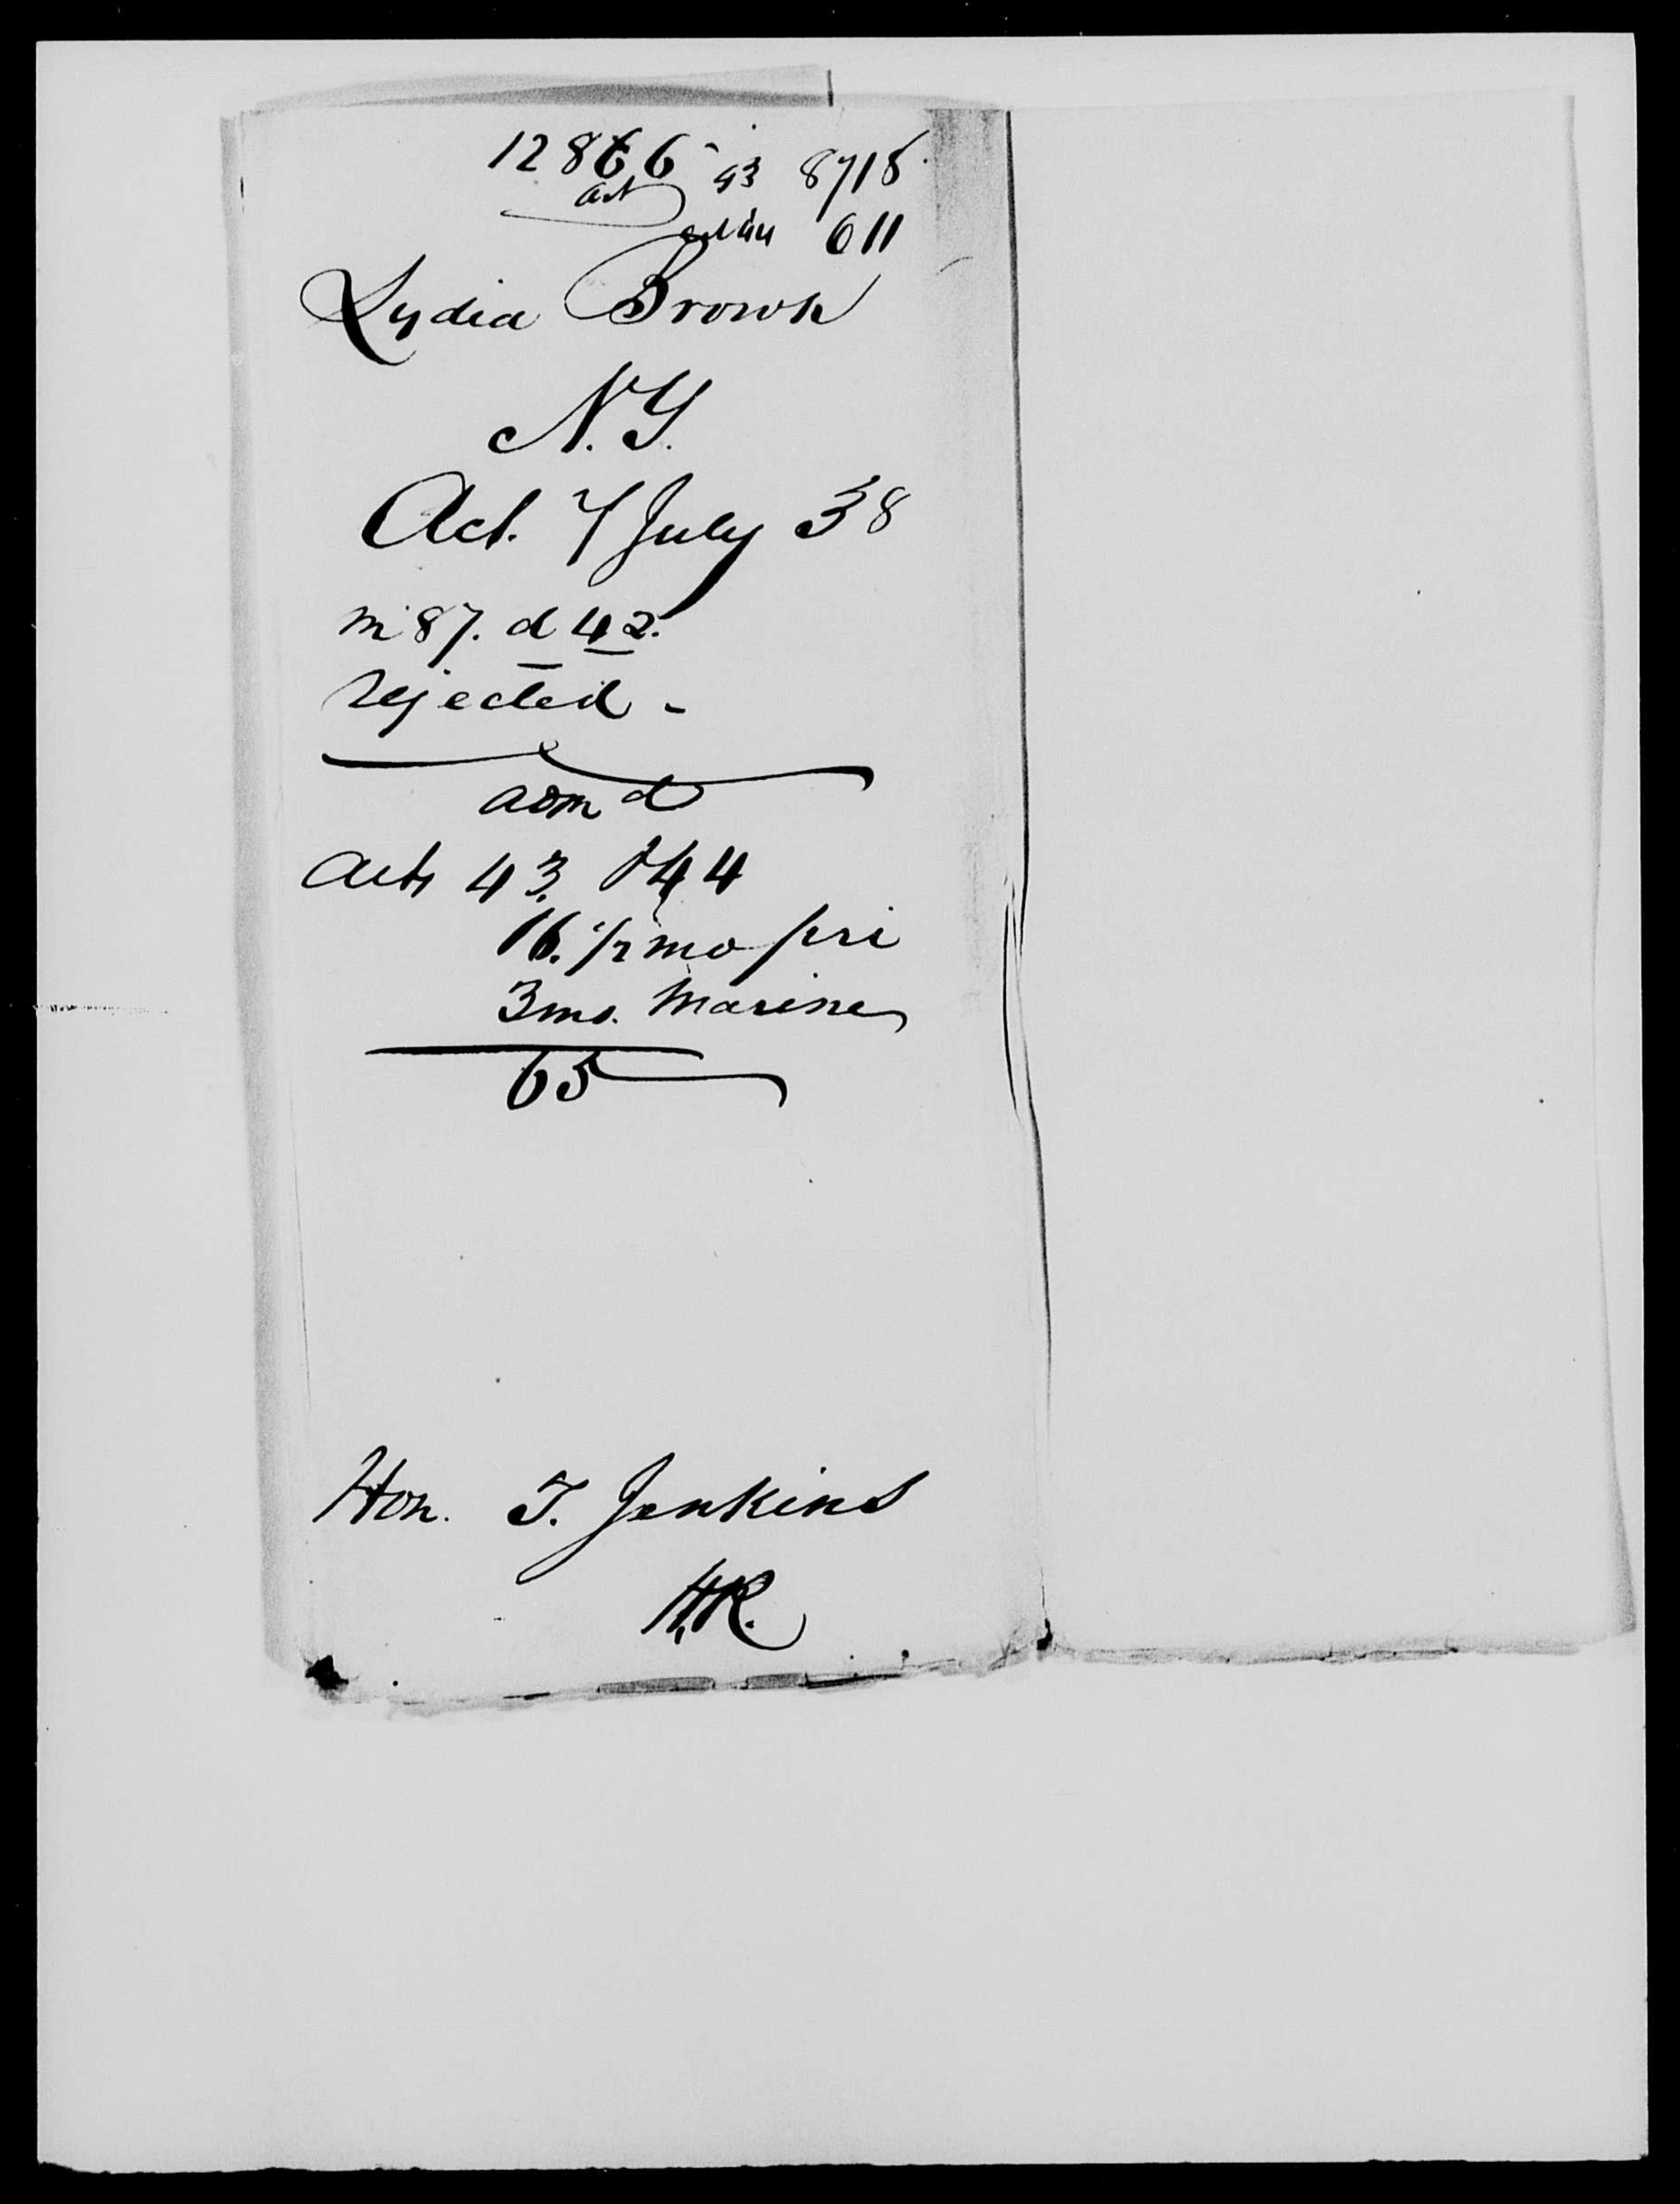1286  43  8718
611
Lydia Brown
N. Y.
Oct 7 July 1838
married 1787, died 1842.
rejected
[illegible]
Act 43  44
16 1/2 months private
3 mo. Marine
[total]  65

Hon. T Jenkins
H. R.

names: T Jenkins, Lydia Brown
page: 35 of 37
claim: widow's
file: W. 20,787, Daniel Brown, Conn. Navy.